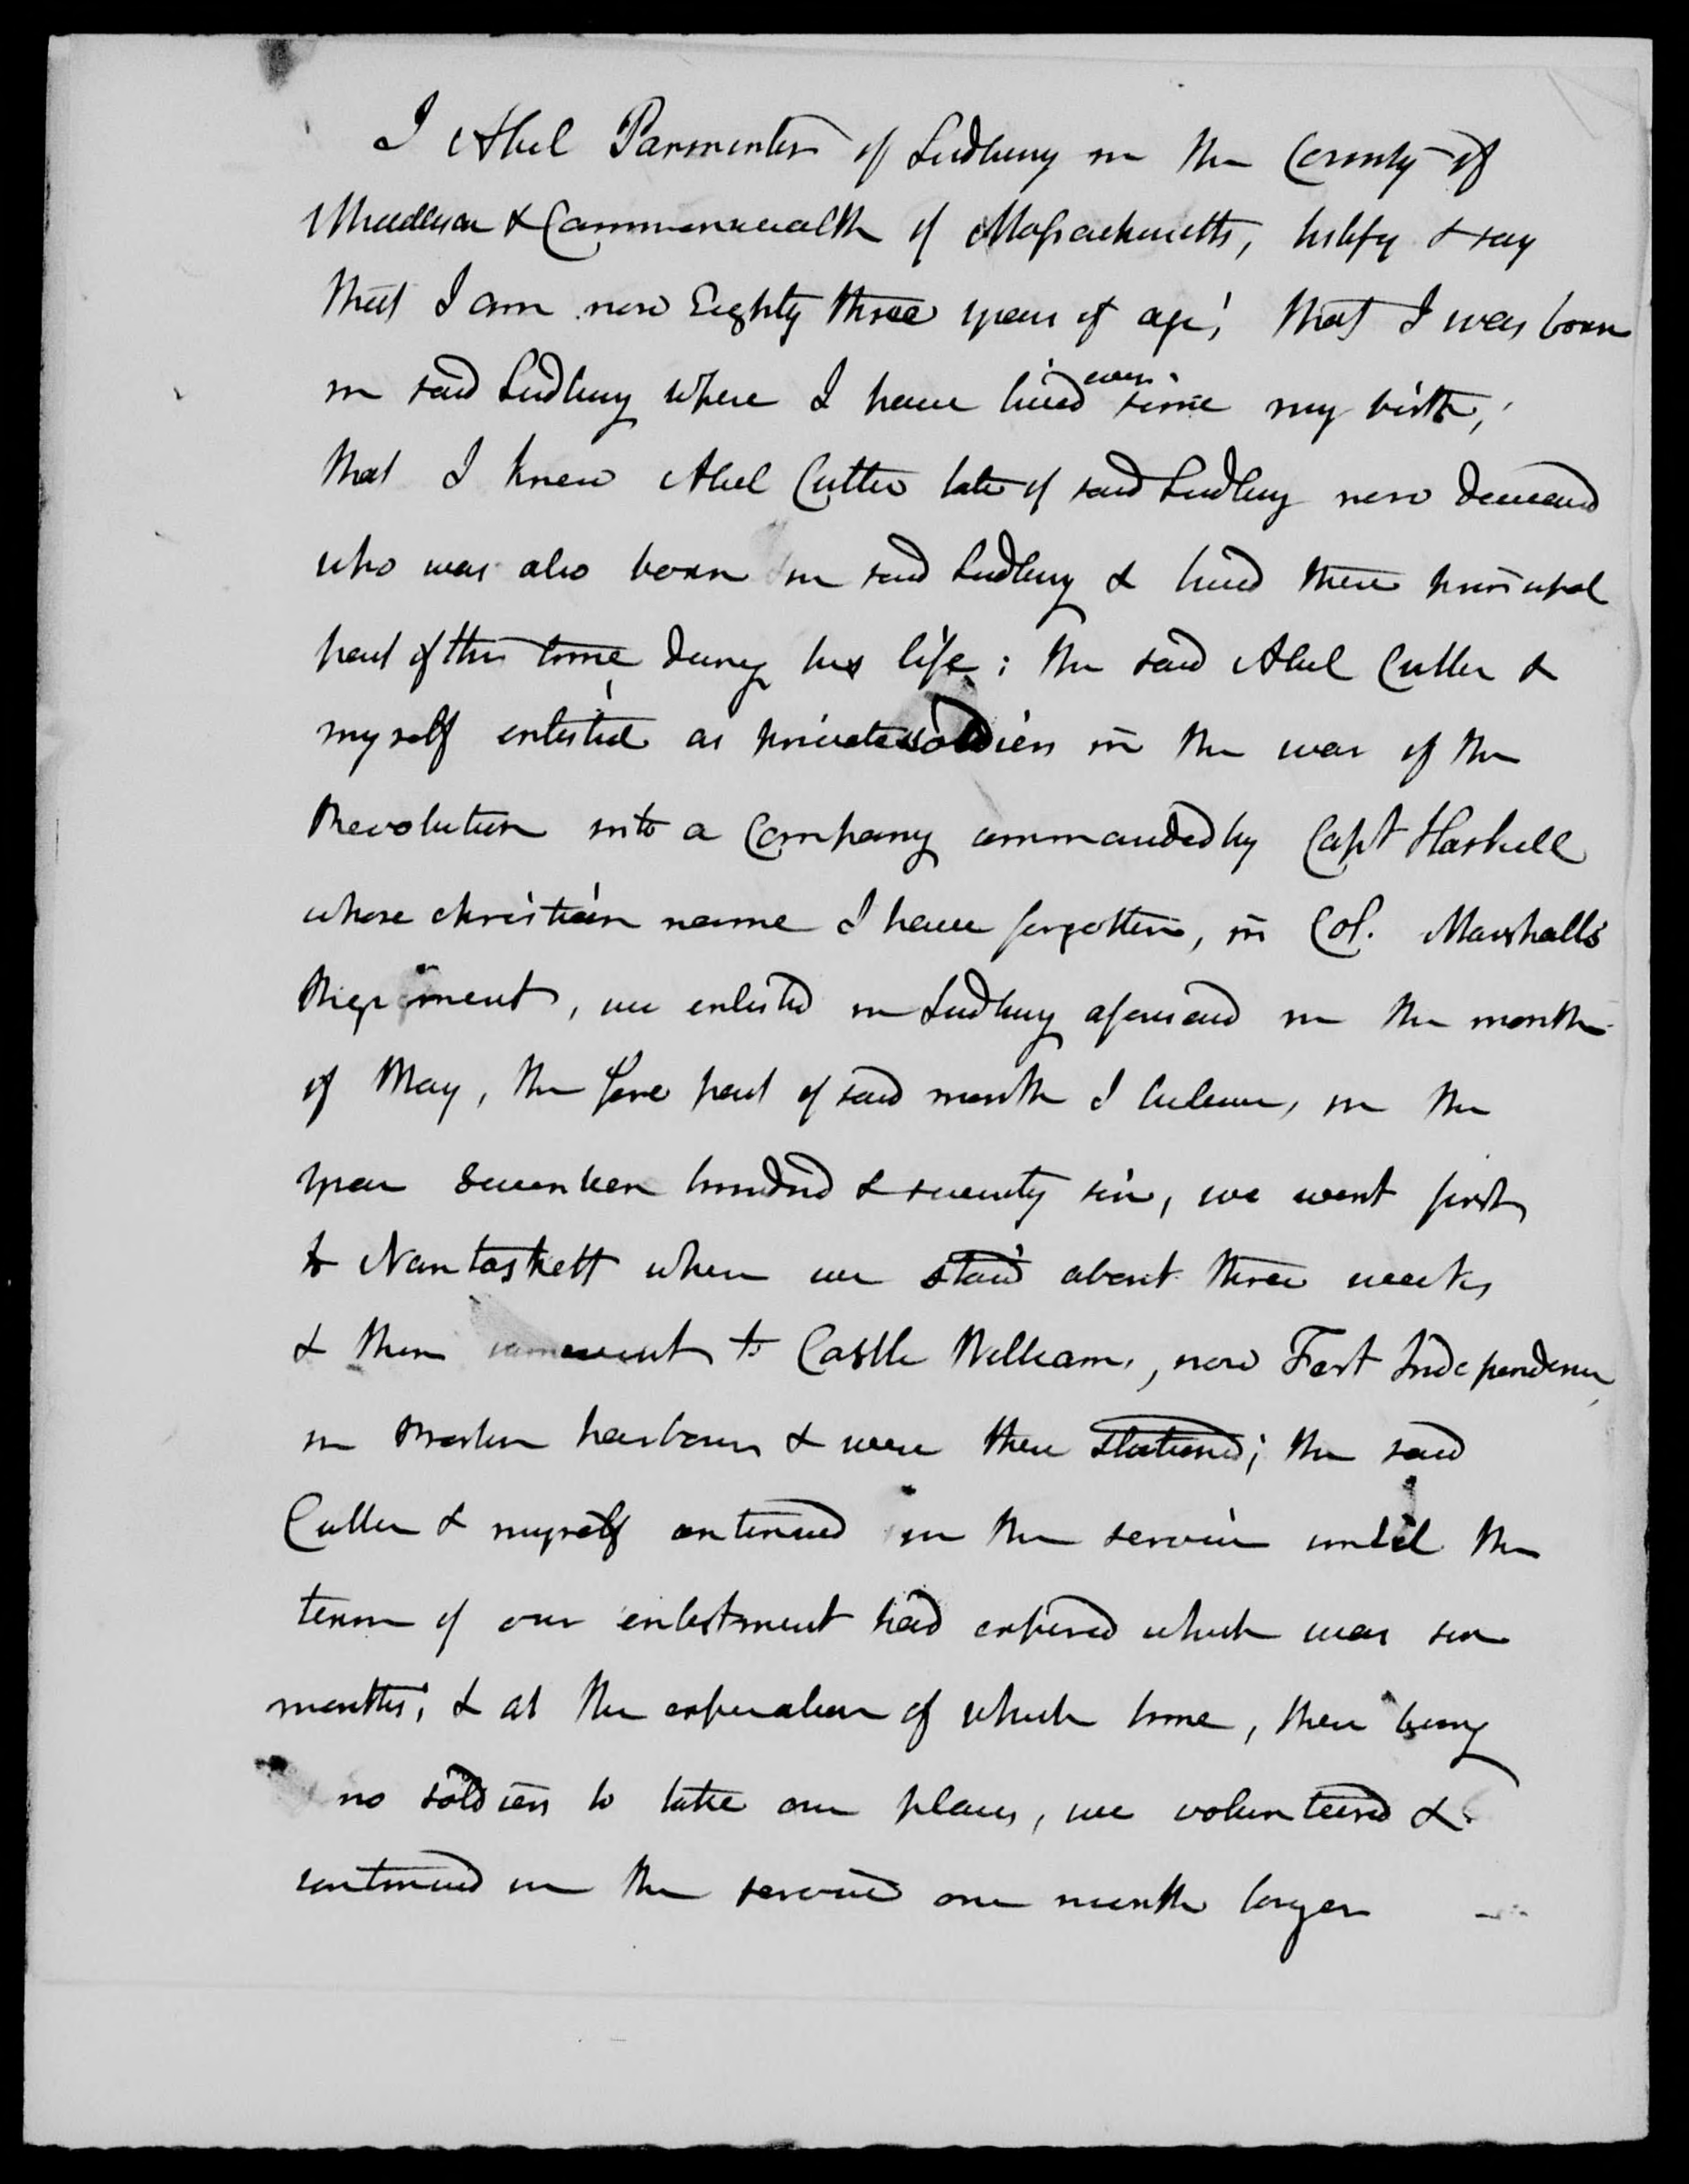I, Abel Parmenter of Sudbury in the county of Middlesex and Commonwealth of Massachusetts, testify and say that I am now 83 years of age: that I was born in said Sudbury where I have lived ever since my birth; That I knew Abel Cutler late of said Sudbury now deceased who was also born in said Sudbury and lived there [illegible] of the time during his life; the said Abel Cutler and myself enlisted as privates in the war of the Revolution into a company commanded by Capt Haskell whose christian name I have forgotten, in Col. Marshall's regiment, we enlisted in Sudbury aforesaid in the month of May, the [illegible] part of said month I [illegible] in the year 1776, we went first to Nantucket where we stayed about nine weeks and then movement to Castle William, now Fort Independence in  [illegible] and were there stationed; the said Cutler and myself continued in the service until the term of our enlistment had expired which was ten months; and at the expiration of which time, there being no soldiers to take our place, we volunteered and continued in the service one month longer.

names: Abel Cutler, Hashell, Cutler, Abel Cutler, Abel Parmenter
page: 14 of 22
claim: widow's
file: W. 14,552, Abel Cutler, Mass.